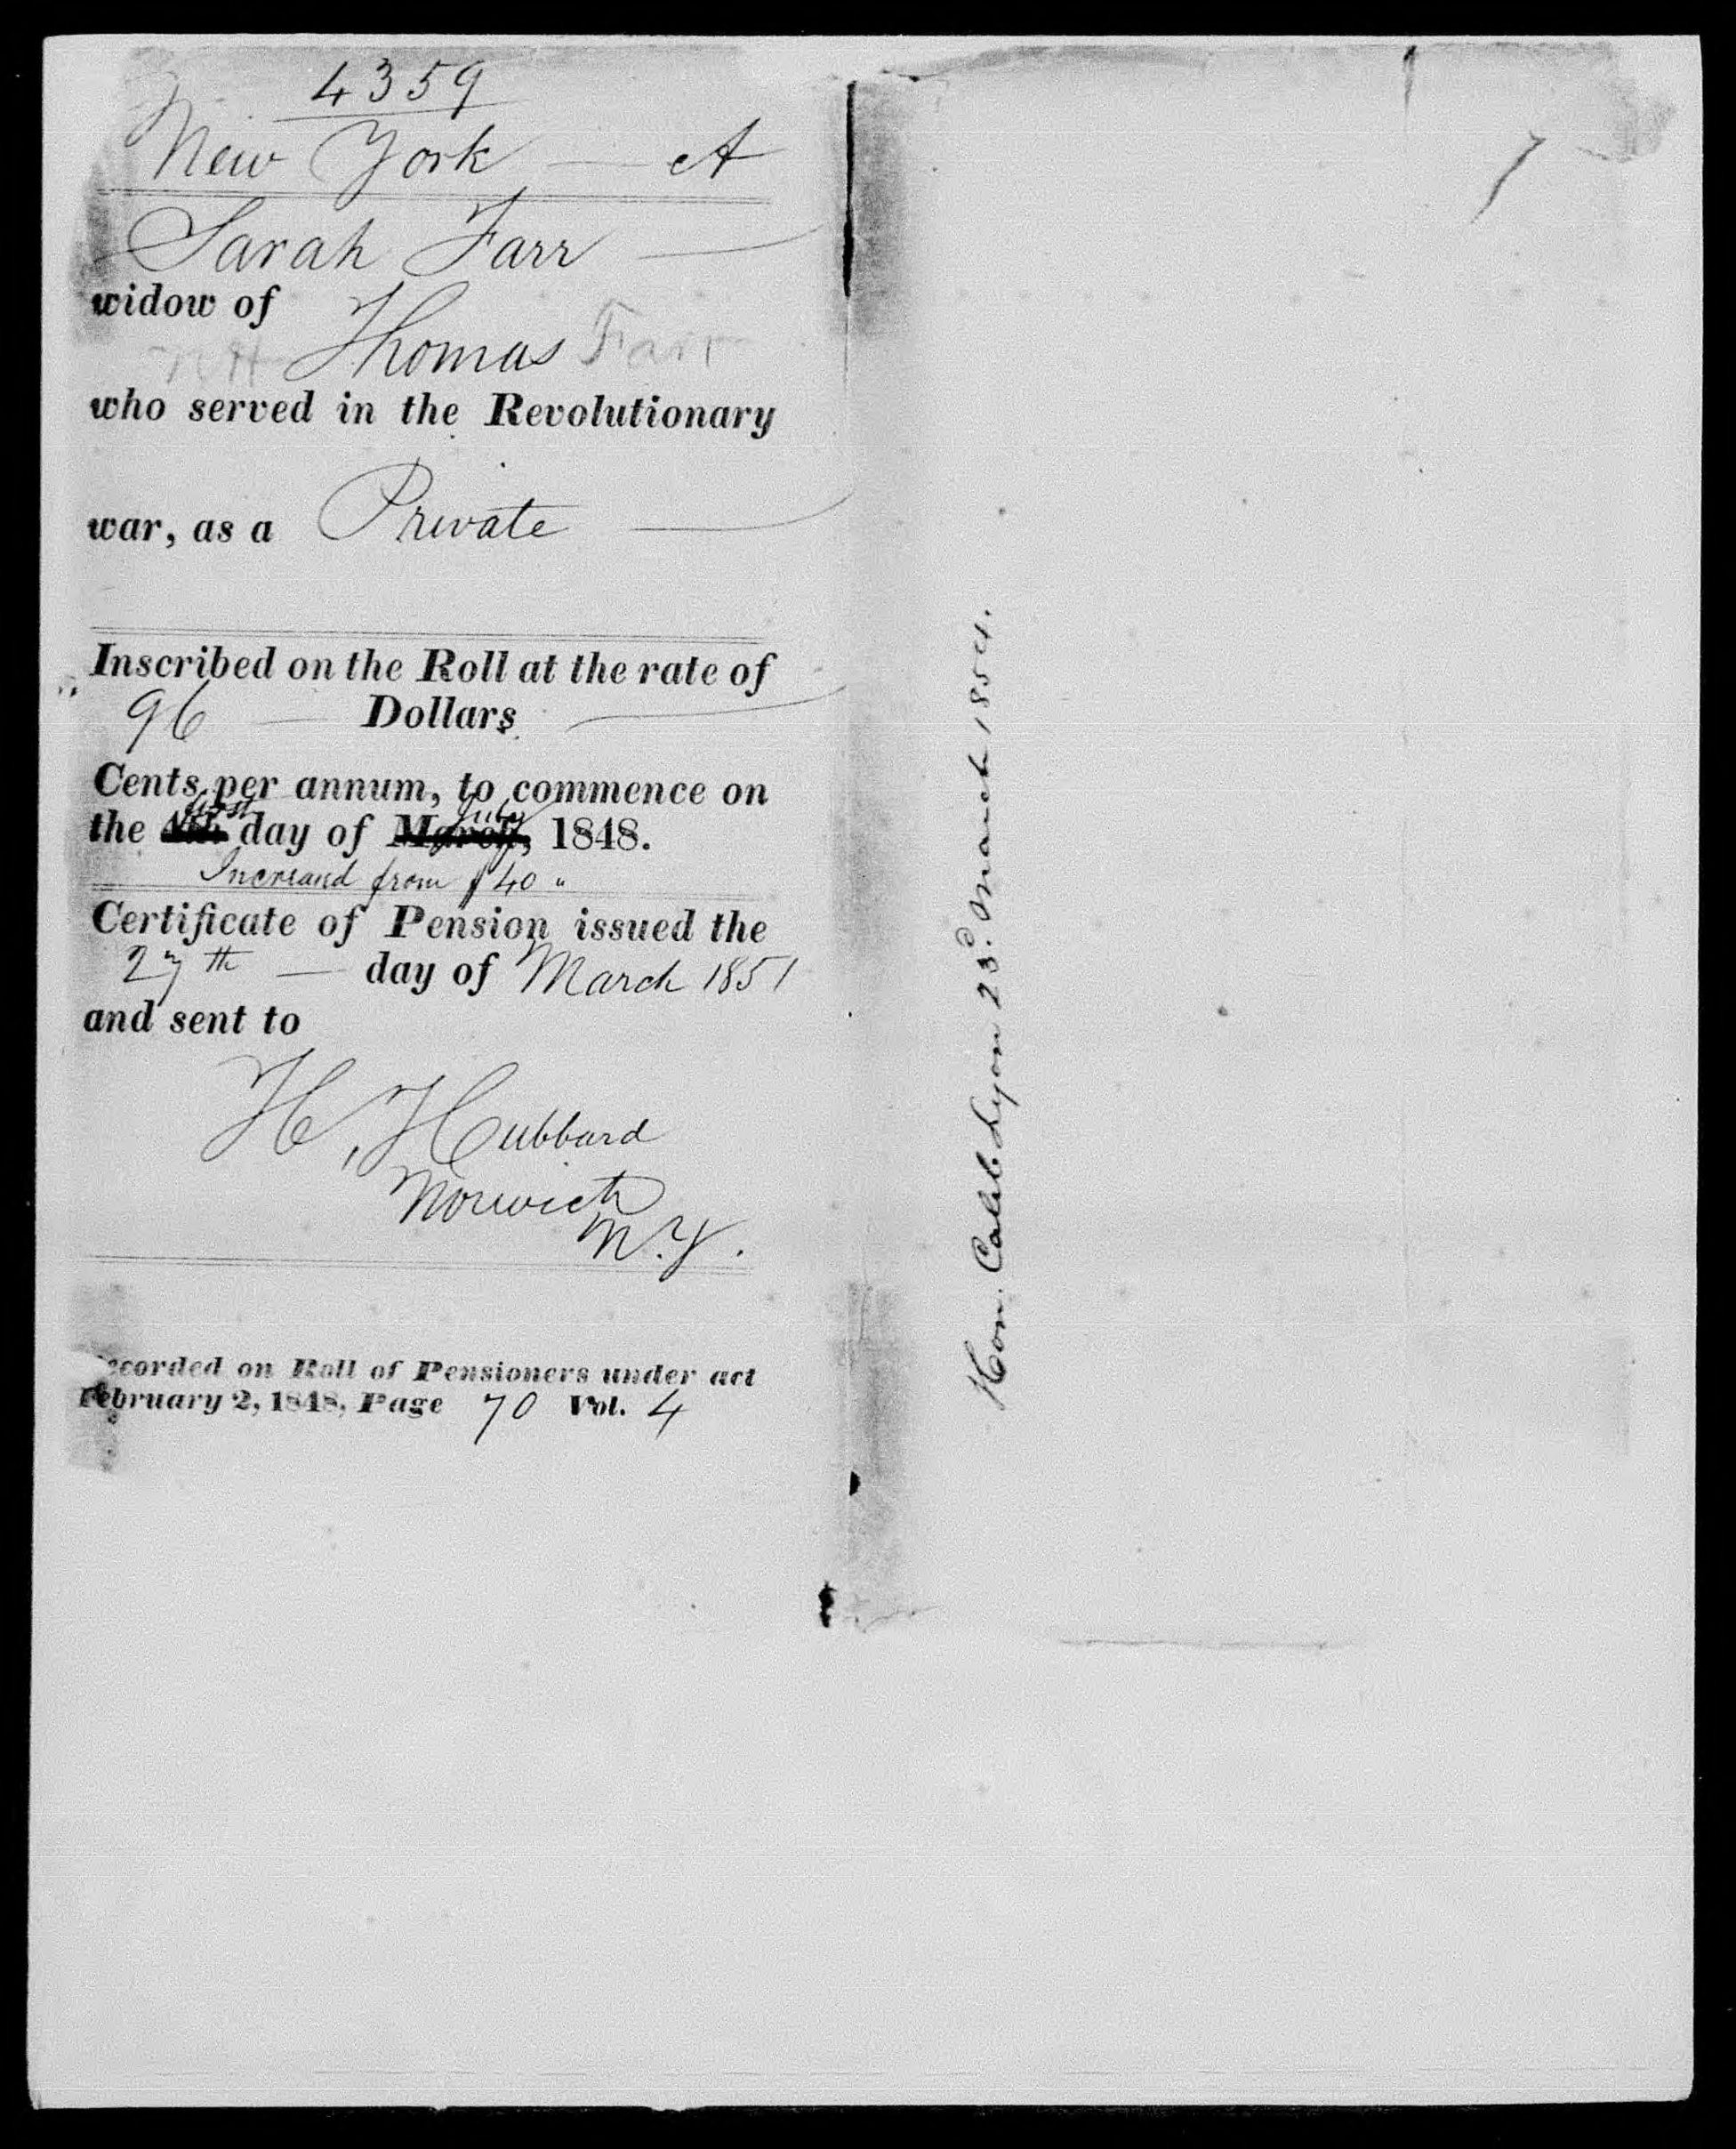4359
New York - A
Sarah Farr
widow of Thomas Farr who served in the Revolutionary war, as a Private - 
Inscribed on the Roll at the rate of 96 - Dollars - Cents per annum, to commence on the first day of July 1848. Increased from $40.
Certificate of Pension issued the 27th - day of March 1851 and sent to H. Hubbard
Norwich N.Y.
Recorded on Roll of Pensioners under act February 2, 1848, Page 70 Vol. 4
Hon. Caleb Lyon 23d. March 1854.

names: Caleb Lyon, Sarah Farr, Thomas Farr, H Hubbard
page: 3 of 46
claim: widow's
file: W. 23022, Thomas Farr, N.H.